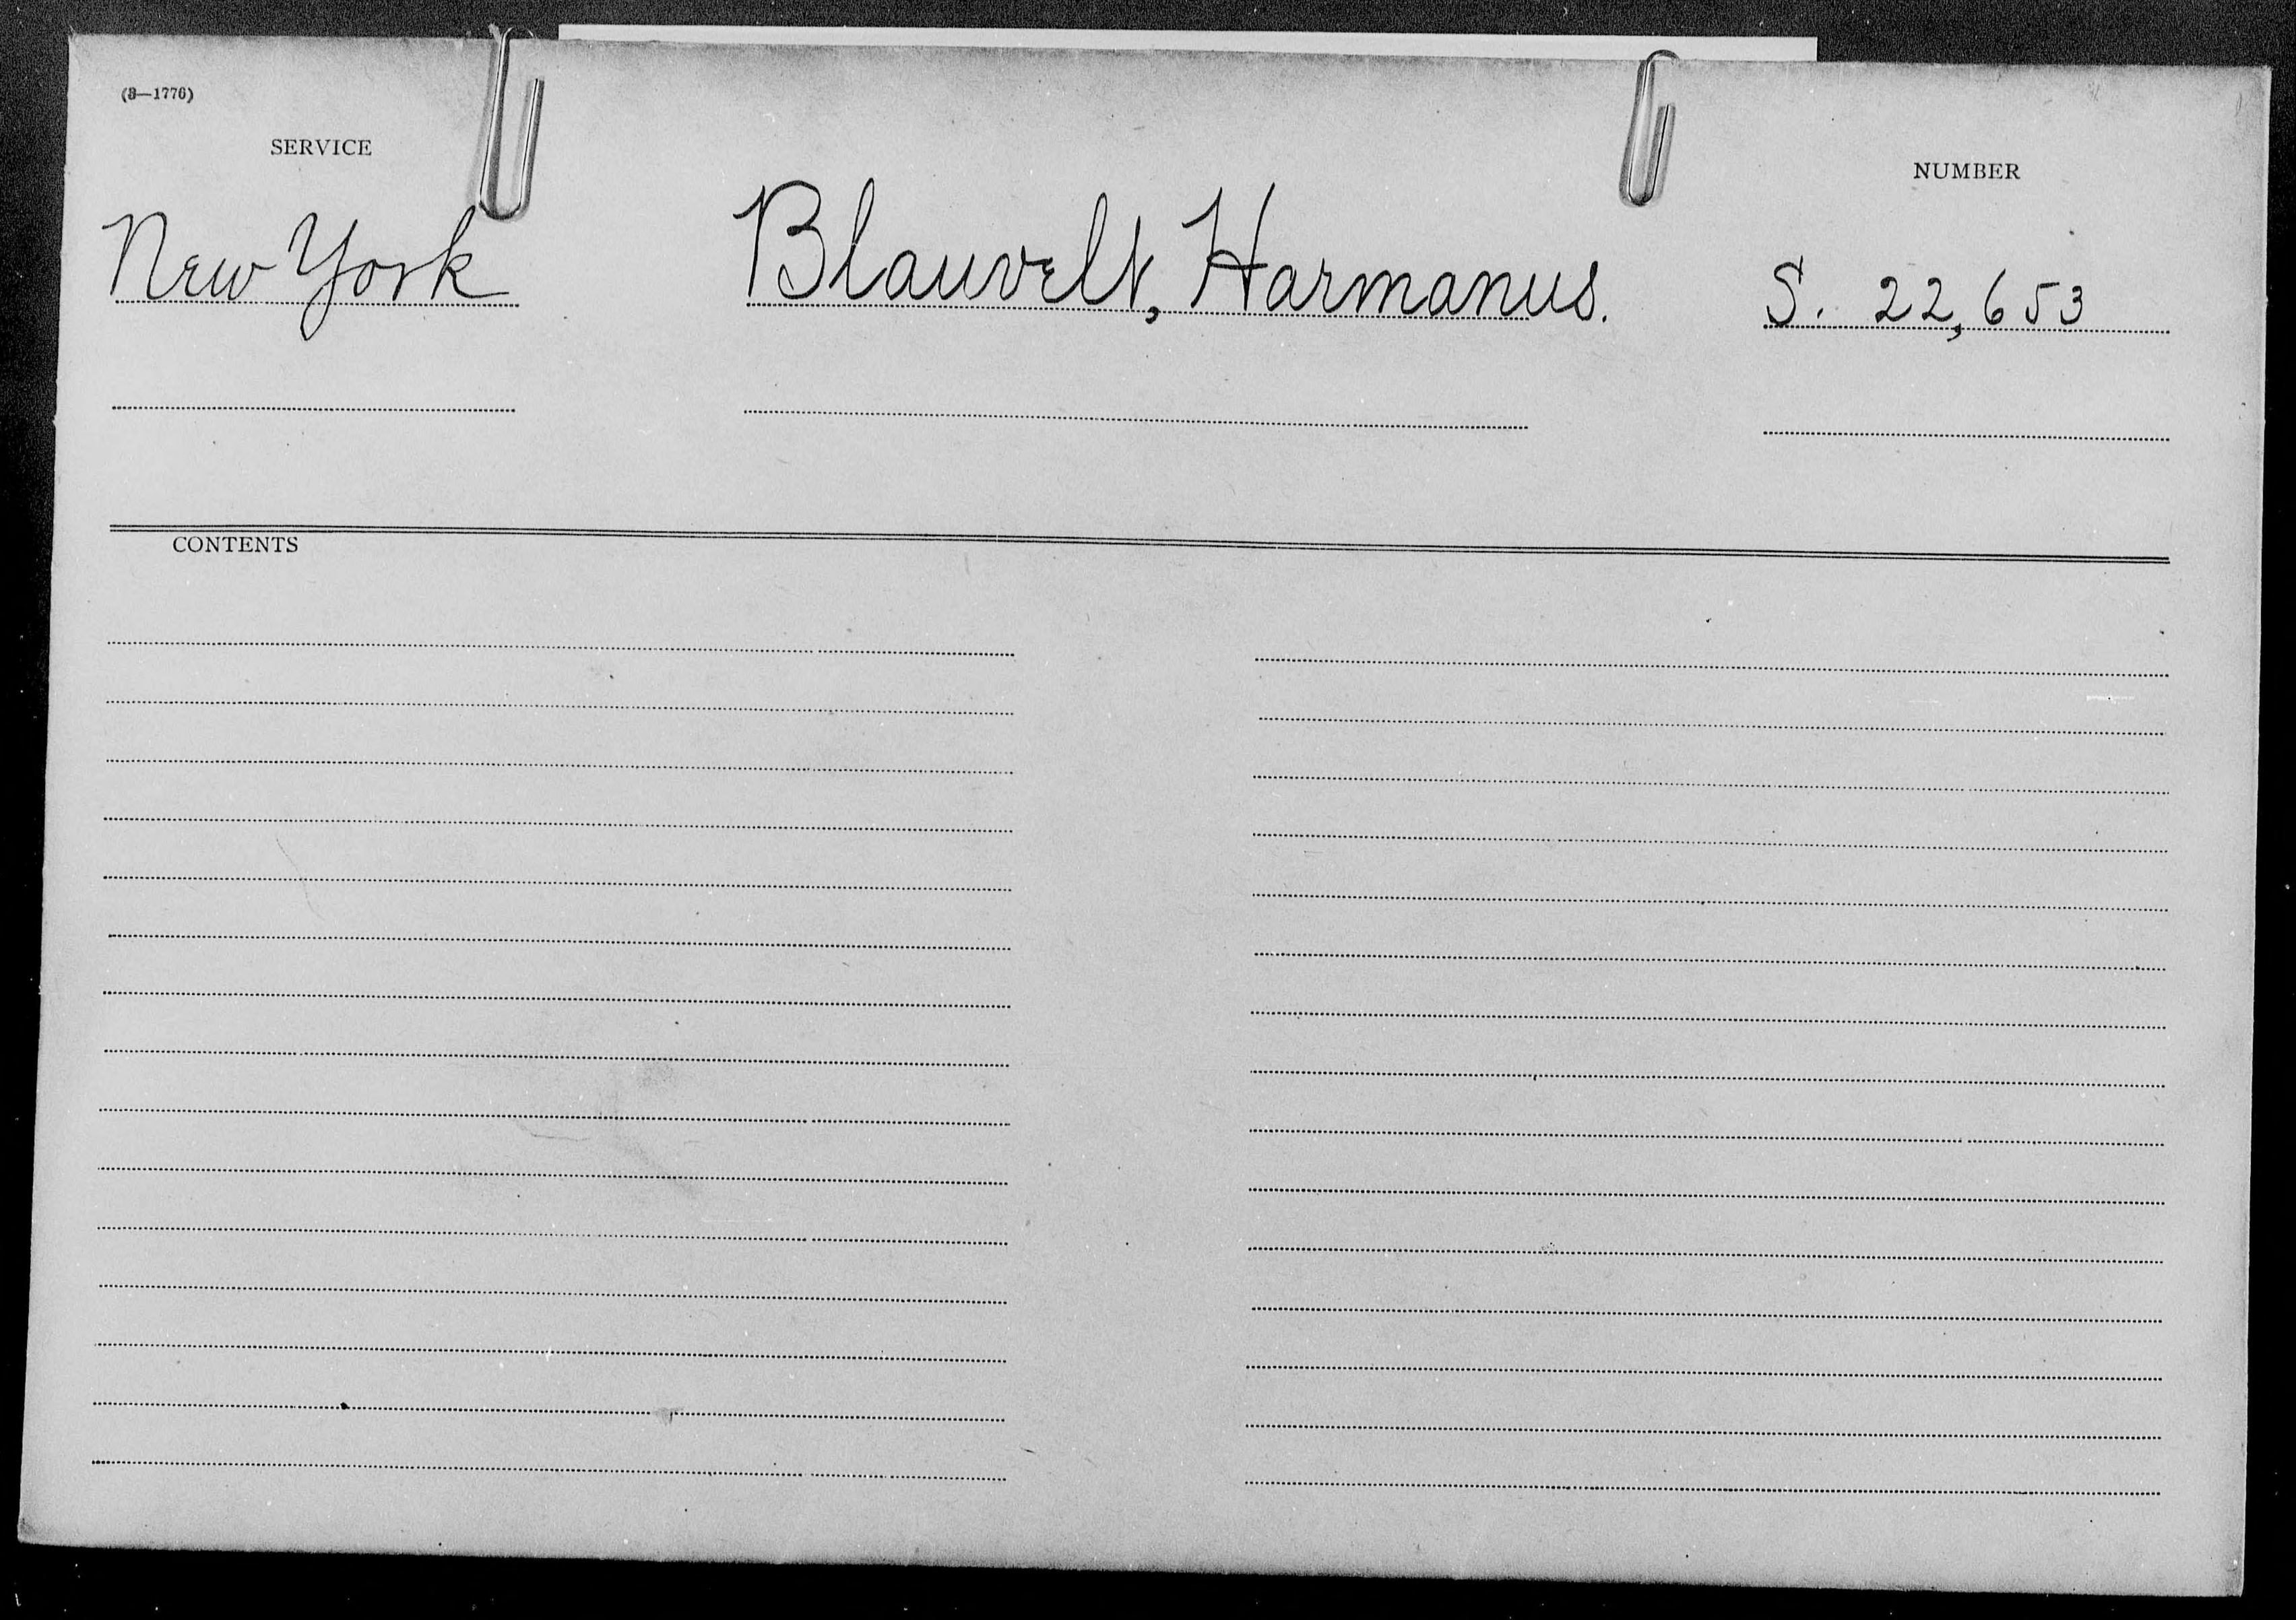Service Number
New York Blauvelt, Harmanus S.22,653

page: 1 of 33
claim: survivor's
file: S. 22,653, Harmanus Blauvelt, New York